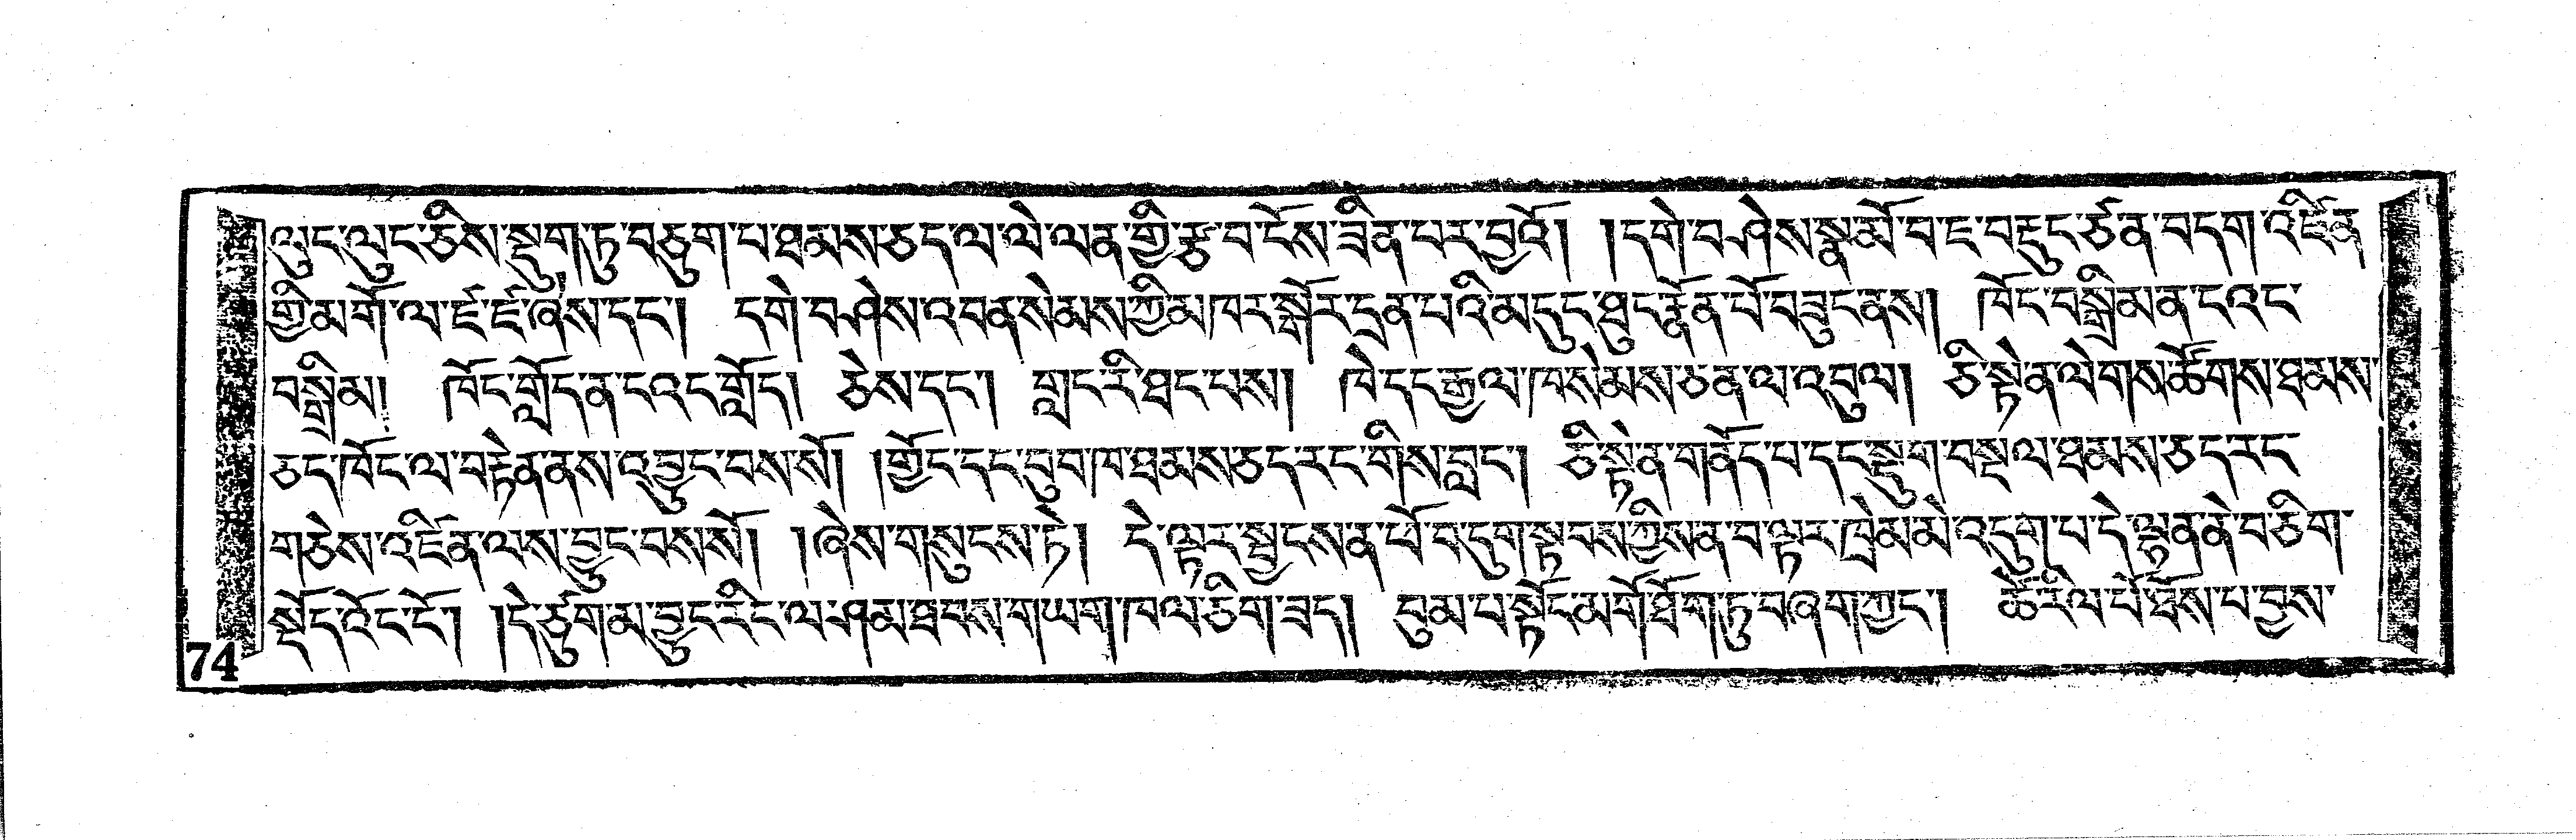ལུང་ལུང་ཅིས་སྡུག་ཏུ་བཅུག་པ་ཐམས་ཅད་ལ་ལེ་ལན་གྱི་རྩ་བ་ངོས་ཟིན་པར་བྱའོ། །དགེ་བཤེས་སྣ་མོ་བ་ཇ་བརྡུང་ཙ་ན་བདག་འཛིན་
གྱི་མགོ་ལ་ཛ་ཛ་ཞེས་དང་། དགེ་བཤེས་འབན་སེམས་ཀྱི་མཁར་སྒོར་དྲན་པའི་མདུང་ཐུང་རྣོན་པོ་བཟུང་ནས། ཁོང་བསྒྲིམ་ན་ངའང་
བསྒྲིམ། ཁོང་གློད་ན་ངའང་གློད། ཅེས་དང་། གླང་རི་ཐང་པས། ཁེ་དང་རྒྱལ་ཁ་སེམས་ཅན་ལ་འབུལ། ཅི་སྟེ་ན་ལེགས་ཚོགས་ཐམས་
ཅད་ཁོང་ལ་བརྟེན་ནས་འབྱུང་བས་སོ། །གྱོང་དང་བུབ་ཁ་ཐམས་ཅད་རང་གིས་བླང་། ཅི་སྟེ་ན་གནོད་པ་དང་སྡུག་བསྔལ་ཐམས་ཅད་རང་
གཅེས་འཛིན་ལས་བྱུང་བས་སོ། །ཞེས་གསུངས་ཏེ། དེ་ལྟར་སྦྱངས་ན་ཕོ་བ་དུག་སྟབས་ཀྱིས་ན་བ་ལྟར་ཁྲེམ་མེ་འདུག་པ་དེ་ལྷན་ནེ་བ་ཅིག་
སྡོད་འོང་ངོ། །དེ་ཙུག་མ་བྱུང་རིང་ལ་ཤམ་ཐབས་གཡག་ཁལ་ཅིག་ཟད། བུམ་པ་སྟོང་མགོ་ཐོག་ཏུ་བཞག་ཀྱང་། ཚེ་རིལ་པོ་ཐོས་པ་བྱས་